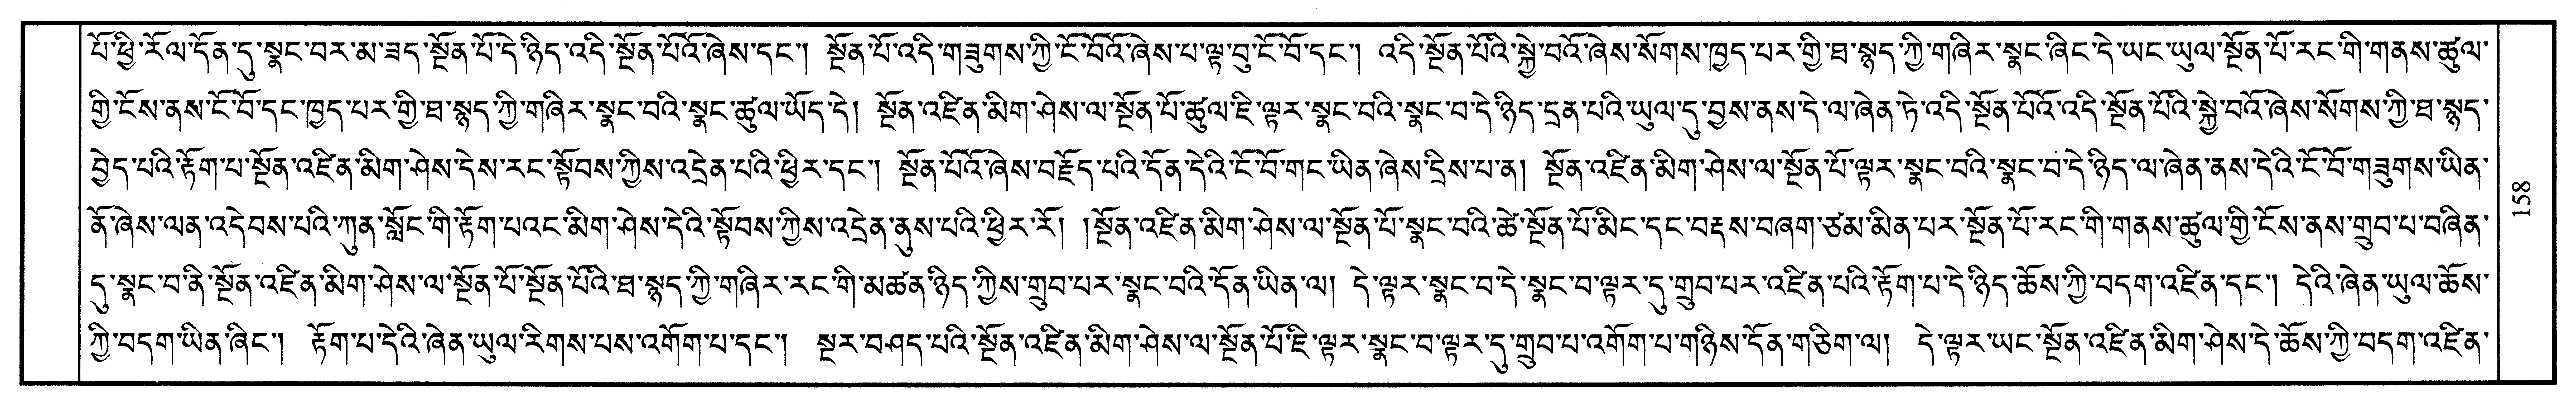པོ་ཕྱི་རོལ་དོན་དུ་སྣང་བར་མ་ཟད་སྔོན་པོ་དེ་ཉིད་འདི་སྔོན་པོའོ་ཞེས་དང་། སྔོན་པོ་འདི་གཟུགས་ཀྱི་ངོ་བོའོ་ཞེས་པ་ལྟ་བུ་ངོ་བོ་དང་། འདི་སྔོན་པོའི་སྐྱེ་བའོ་ཞེས་སོགས་ཁྱད་པར་གྱི་ཐ་སྙད་ཀྱི་གཞིར་སྣང་ཞིང་དེ་ཡང་ཡུལ་སྔོན་པོ་རང་གི་གནས་ཚུལ་
གྱི་ངོས་ནས་ངོ་བོ་དང་ཁྱད་པར་གྱི་ཐ་སྙད་ཀྱི་གཞིར་སྣང་བའི་སྣང་ཚུལ་ཡོད་དེ། སྔོན་འཛིན་མིག་ཤེས་ལ་སྔོན་པོ་ཚུལ་ཇི་ལྟར་སྣང་བའི་སྣང་བ་དེ་ཉིད་དྲན་པའི་ཡུལ་དུ་བྱས་ནས་དེ་ལ་ཞེན་ཏེ་འདི་སྔོན་པོའོ་འདི་སྔོན་པོའི་སྐྱེ་བའོ་ཞེས་སོགས་ཀྱི་ཐ་སྙད་
བྱེད་པའི་རྟོག་པ་སྔོན་འཛིན་མིག་ཤེས་དེས་རང་སྟོབས་ཀྱིས་འདྲེན་པའི་ཕྱིར་དང་། སྔོན་པོའོ་ཞེས་བརྗོད་པའི་དོན་དེའི་ངོ་བོ་གང་ཡིན་ཞེས་དྲིས་པ་ན། སྔོན་འཛིན་མིག་ཤེས་ལ་སྔོན་པོ་ལྟར་སྣང་བའི་སྣང་བ་དེ་ཉིད་ལ་ཞེན་ནས་དེའི་ངོ་བོ་གཟུགས་ཡིན་
ནོ་ཞེས་ལན་འདེབས་པའི་ཀུན་སློང་གི་རྟོག་པའང་མིག་ཤེས་དེའི་སྟོབས་ཀྱིས་འདྲེན་ནུས་པའི་ཕྱིར་རོ། །སྔོན་འཛིན་མིག་ཤེས་ལ་སྔོན་པོ་སྣང་བའི་ཚེ་སྔོན་པོ་མིང་དང་བརྡས་བཞག་ཙམ་མིན་པར་སྔོན་པོ་རང་གི་གནས་ཚུལ་གྱི་ངོས་ནས་གྲུབ་པ་བཞིན་
དུ་སྣང་བ་ནི་སྔོན་འཛིན་མིག་ཤེས་ལ་སྔོན་པོ་སྔོན་པོའི་ཐ་སྙད་ཀྱི་གཞིར་རང་གི་མཚན་ཉིད་ཀྱིས་གྲུབ་པར་སྣང་བའི་དོན་ཡིན་ལ། དེ་ལྟར་སྣང་བ་དེ་སྣང་བ་ལྟར་དུ་གྲུབ་པར་འཛིན་པའི་རྟོག་པ་དེ་ཉིད་ཆོས་ཀྱི་བདག་འཛིན་དང་། དེའི་ཞེན་ཡུལ་ཆོས་
ཀྱི་བདག་ཡིན་ཞིང་། རྟོག་པ་དེའི་ཞེན་ཡུལ་རིགས་པས་འགོག་པ་དང་། སྔར་བཤད་པའི་སྔོན་འཛིན་མིག་ཤེས་ལ་སྔོན་པོ་ཇི་ལྟར་སྣང་བ་ལྟར་དུ་གྲུབ་པ་འགོག་པ་གཉིས་དོན་གཅིག་ལ། དེ་ལྟར་ཡང་སྔོན་འཛིན་མིག་ཤེས་དེ་ཆོས་ཀྱི་བདག་འཛིན་